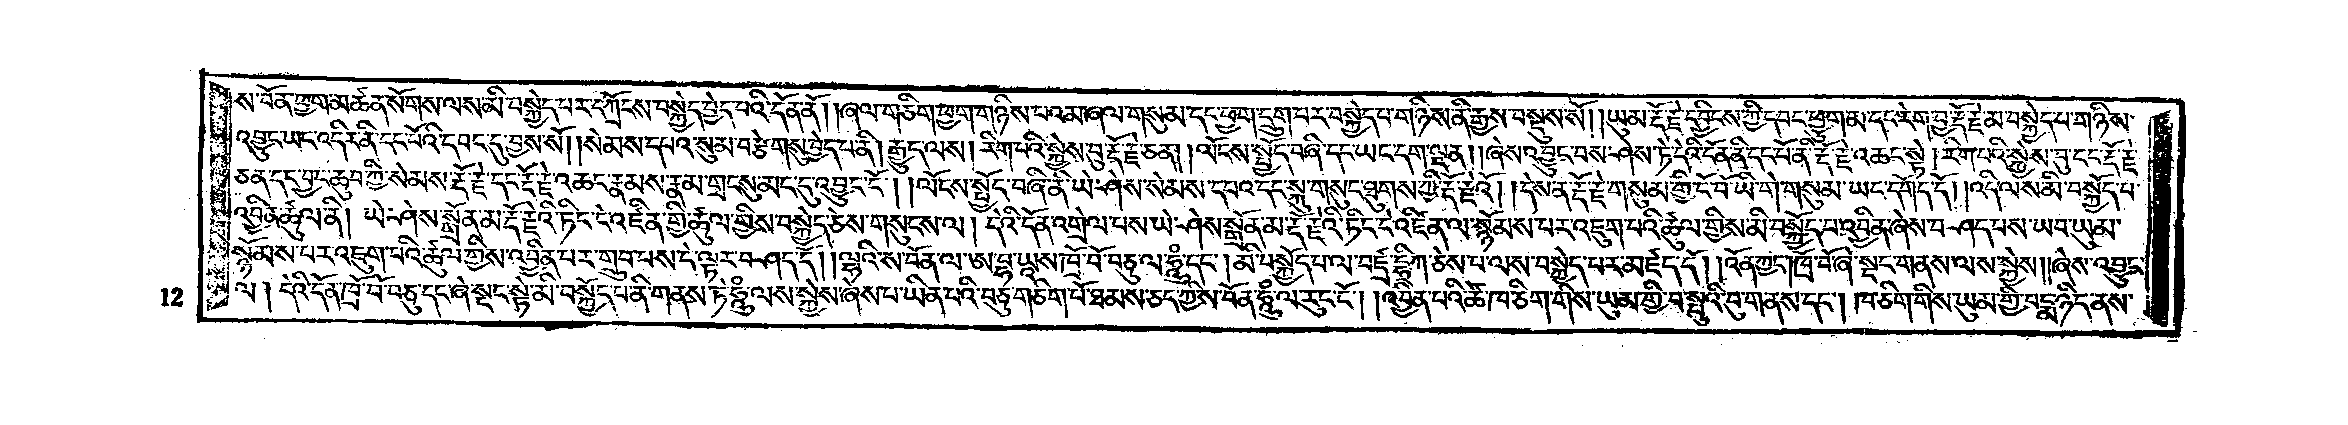ས་བོན་ཕྱག་མཚན་སོགས་ལས་མི་བསྐྱེད་པར་དཀྲོངས་བསྐྱེད་བྱེད་པའི་དོན་ནོ། །ཞལ་གཅིག་ཕྱག་གཉིས་པའམ་ཞལ་གསུམ་དང་ཕྱག་དྲུག་པར་བསྐྱེད་པ་གཉིས་ནི་རྒྱས་བསྡུས་སོ། །ཡུམ་རྡོ་རྗེ་དབྱིངས་ཀྱི་དབང་ཕུག་མ་དང་རེག་བྱ་རྡོ་རྗེ་མ་བསྐྱེད་པ་གཉིས་
འབྱུང་ཡང་འདིར་ནི་དང་པོའི་དབང་དུ་བྱས་སོ། །སེམས་དཔའ་སུམ་བརྩེགས་སུ་བྱེད་པ་ནི། རྒྱུད་ལས། རིག་པའི་སྐྱེས་བུ་རྡོ་རྗེ་ཅན། །ལོངས་སྤྱོད་བཞི་དང་ཡང་དག་ལྡན། །ཞེས་འབྱུང་བས་ཤེས་ཏེ་དེའི་དོན་ནི་དང་པོ་ནི་རྡོ་རྗེ་འཆང་སྟེ། རིག་པའི་སྐྱེས་བུ་དང་རྡོ་རྗེ་
ཅན་དང་བྱང་ཆུབ་ཀྱི་སེམས་རྡོ་རྗེ་དང་རྡོ་རྗེ་འཆང་རྣམས་རྣམ་གྲངས་སུ་མང་དུ་འབྱུང་ངོ། །ལོངས་སྤྱོད་བཞི་ནི་ཡེ་ཤེས་སེམས་དཔའ་དང་སྐུ་གསུང་ཐུགས་ཀྱི་རྡོ་རྗེའོ། །དེས་ན་རྡོ་རྗེ་གསུམ་གྱི་ངོ་བོ་ཡི་གེ་གསུམ་ཡང་དགོད་དོ། །འདི་ལས་མི་བསྐྱོད་པ་
འབྱིན་ཚུལ་ནི། ཡེ་ཤེས་སྒྲོན་མ་རྡོ་རྗེའི་ཏིང་ངེ་འཛིན་གྱི་ཚུལ་གྱིས་བསྐྱེད་ཅེས་གསུངས་ལ། དེའི་དོན་འགྲེལ་པས་ཡེ་ཤེས་སྒྲོན་མ་རྡོ་རྗེའི་ཏིང་ངེ་འཛིན་ལ་སྙོམས་པར་འཇུག་པའི་ཚུལ་གྱིས་མི་བསྐྱོད་པ་འབྱིན་ཞེས་བཤད་པས་ཡབ་ཡུམ་
སྙོམས་པར་འཇུག་པའི་ཚུལ་གྱིས་འབྱིན་པར་གྲུབ་པས་དེ་ལྟར་བཤད་དོ། །ལྷའི་ས་བོན་ལ་ཨ་བྷ་ཡཱས་ཁྲོ་བོ་བཅུ་ལ་ཧཱུཾ་དང་། མི་བསྐྱོད་པ་ལ་བཛྲ་དྷྲིཀ་ཅེས་པ་ལས་བསྐྱེད་པར་མཛད་དོ། །འོན་ཀྱང་། ཁྲོ་བོ་ཞེ་སྡང་གནས་ལས་སྐྱེས། །ཞེས་འབྱུང་
ལ། དེའི་དོན་ཁྲོ་བོ་བཅུ་དང་ཞེ་སྡང་སྟེ་མི་བསྐྱོད་པ་ནི་གནས་ཏེ་ཧཱུཾ་ལས་སྐྱེས་ཞེས་པ་ཡིན་པའི་བཅུ་གཅིག་པོ་ཐམས་ཅད་ཀྱི་ས་བོན་ཧཱུཾ་ལ་རུང་ངོ། །འབྱིན་པའི་ཚེ་ཁ་ཅིག་གིས་ཡུམ་གྱི་བ་སྤུའི་བུ་གནས་དང་། ཁ་ཅིག་གིས་ཡུམ་གྱི་པདམ་ཉིད་ནས་